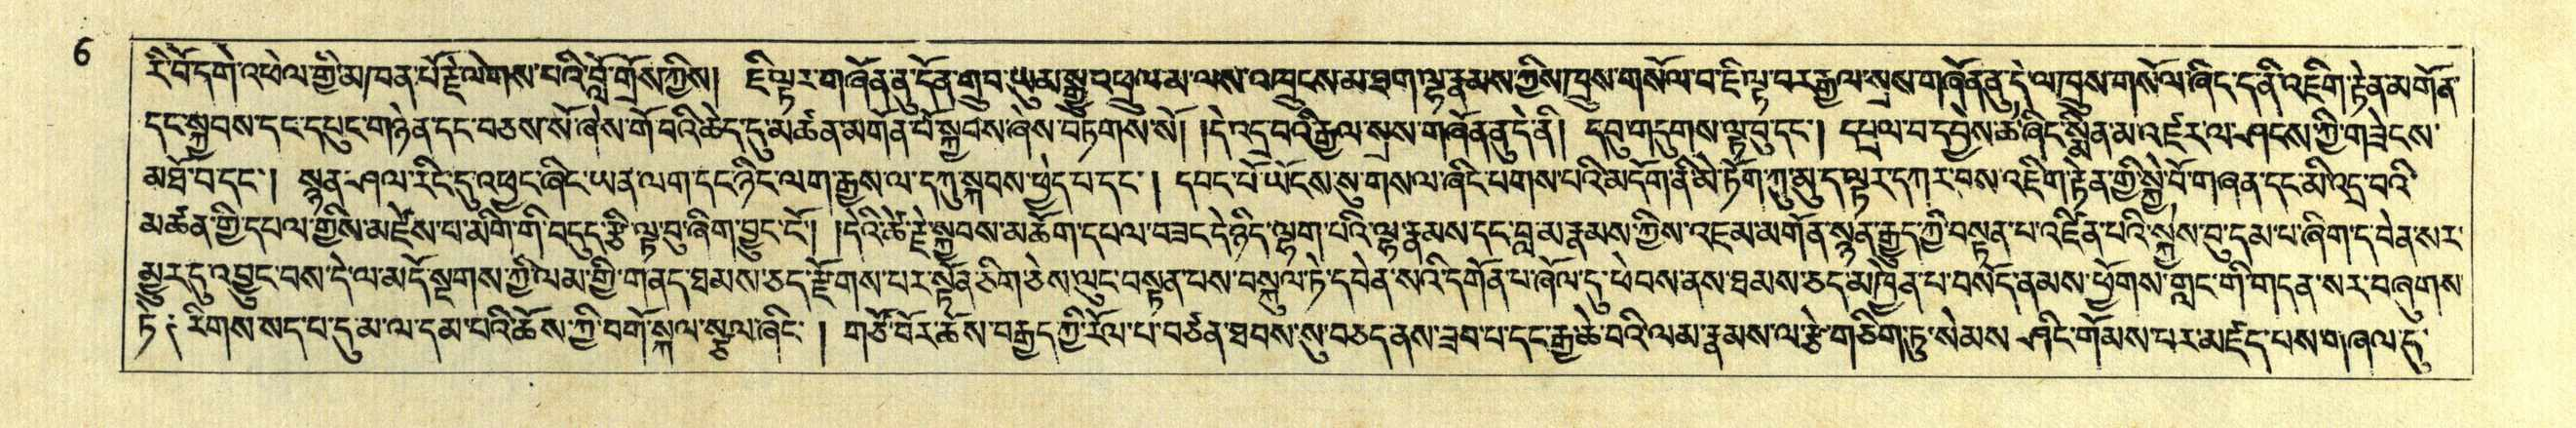རི་བོ་དགེ་འཕེལ་གྱི་མཁན་པོ་རྗེ་ལེགས་པའི་བློ་གྲོས་ཀྱིས། ཇི་ལྟར་གཞོན་ནུ་དོན་གྲུབ་ཡུམ་སྒྱུ་འཕྲུལ་མ་ལས་འཁྲུངས་མ་ཐག་ལྷ་རྣམས་ཀྱིས་ཁྲུས་གསོལ་བ་ཇི་ལྟ་བར་རྒྱལ་སྲས་གཞོན་ནུ་དེ་ལ་ཁྲུས་གསོལ་ཞིང་ད་ནི་འཇིག་རྟེན་མགོན་
དང་སྐྱབས་དང་དཔུང་གཉེན་དང་བཅས་སོ་ཞེས་གོ་བའི་ཆེད་དུ་མཚན་མགོན་པོ་སྐྱབས་ཞེས་བཏགས་སོ། །དེ་འདྲ་བའི་རྒྱལ་སྲས་གཞོན་ནུ་དེ་ནི། དབུ་གདུགས་ལྟ་བུ་དང་། དཔྲལ་བ་དབྱེས་ཆེ་ཞིང་སྨིན་མ་འཛར་ལ་ཤངས་ཀྱི་གཟེངས་
མཐོ་བ་དང་། སྙན་ཤལ་རིང་དུ་འཕྱང་ཞིང་ཡན་ལག་དང་ཉིང་ལག་རྒྱས་ལ་དཀུ་སྐབས་ཕྱེད་པ་དང་། དབང་པོ་ཡོངས་སུ་གསལ་ཞིང་པགས་པའི་མདོག་ནི་མེ་ཏོག་ཀུ་མུ་ད་ལྟར་དཀར་བས་འཇིག་རྟེན་གྱི་སྐྱེ་བོ་གཞན་དང་མི་འདྲ་བའི་
མཚན་གྱི་དཔལ་གྱིས་མཛེས་པ་མིག་གི་བདུད་རྩི་ལྟ་བུ་ཞིག་བྱུང་ངོ། །དེའི་ཚེ་རྗེ་སྐྱབས་མཆོག་དཔལ་བཟང་དེ་ཉིད་ལྷག་པའི་ལྷ་རྣམས་དང་བླ་མ་རྣམས་ཀྱིས་འཇམ་མགོན་སྙན་རྒྱུད་ཀྱི་བསྟན་པ་འཛིན་པའི་སྐྱེས་བུ་དམ་པ་ཞིག་ད་བེན་སར་
མྱུར་དུ་འབྱུང་བས་དེ་ལ་མདོ་སྔགས་ཀྱི་ལམ་གྱི་གནད་ཐམས་ཅད་རྫོགས་པར་སྟོན་ཅིག་ཅེས་ལུང་བསྟན་པས་བསྐུལ་ཏེ་དབེན་སའི་དགོན་པ་ཞོལ་དུ་ཕེབས་ནས་ཐམས་ཅད་མཁྱེན་པ་བསོད་ནམས་ཕྱོགས་གླང་གི་གདན་སར་བཞུགས་
ཏེ༑ རིགས་སད་པ་དུ་མ་ལ་དམ་པའི་ཆོས་ཀྱི་བགོ་སྐལ་སྩལ་ཞིང་། གཙོ་བོར་ཆོས་བརྒྱད་ཀྱི་རོལ་པ་བཙན་ཐབས་སུ་བཅད་ནས་ཟབ་པ་དང་རྒྱ་ཆེ་བའི་ལམ་རྣམས་ལ་རྩེ་གཅིག་ཏུ་སེམས་ཤིང་གོམས་པར་མཛད་པས་གཞལ་དུ་